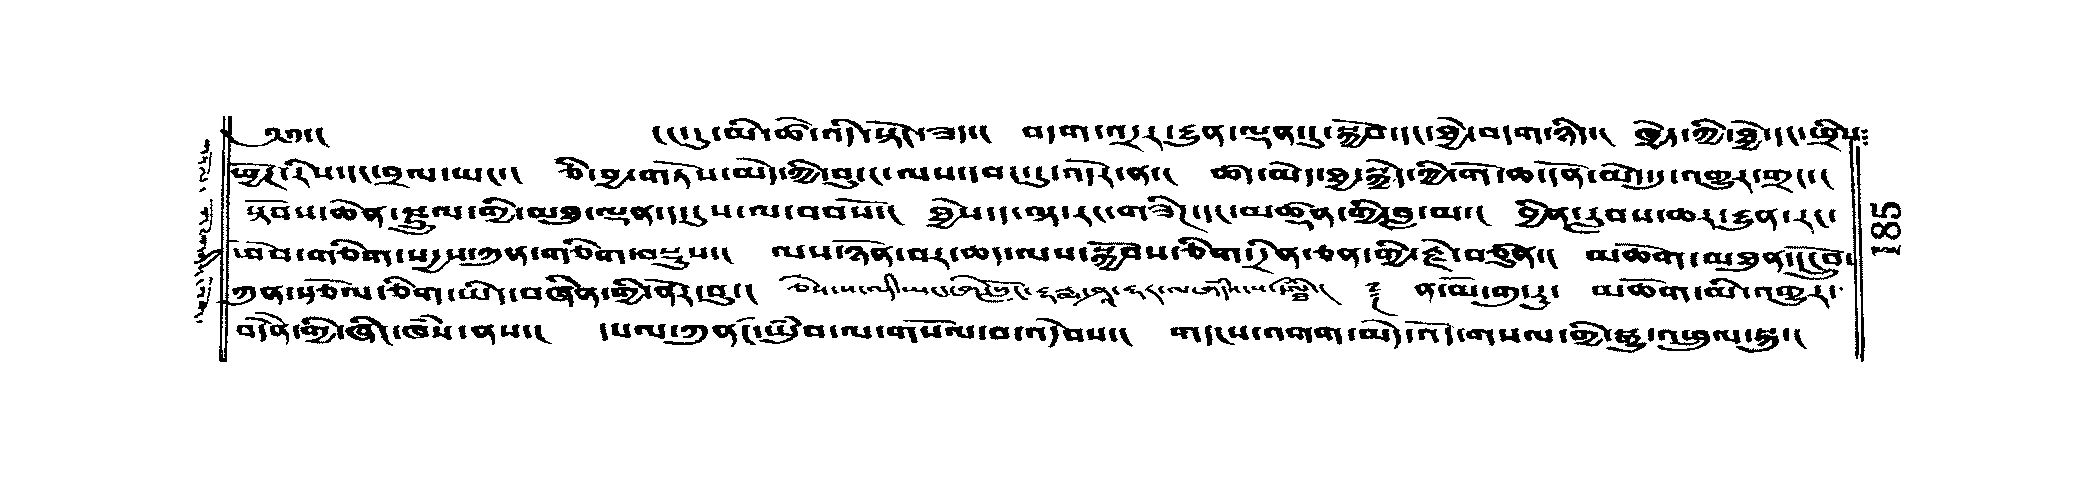ངང་དུ་མི་ཚེ་འདི་སྟོང་ཟད། །བདག་འདྲར་རྒྱུན་ལྡན་དུ་སྐྱོབས་དང་ཐུགས་རྗེ་བདག་ཉིད། །ཁྱེད་ཀྱི་ཐུགས་རྗེ་དང་ཕྲིན་ལས་
ཕྱོགས་རིས་དང་བྲལ་ཡང་། །ཅི་བྱ་གཏོལ་མེད་ཀྱི་བུ་ང་ལས་དབང་དུ་འདོར་ན། །ཚད་མེད་ཐུགས་བསྐྱེད་ཀྱི་གོ་ཆ་དོན་མེད་དུ་འགྱུར་གྲང་། །
སྟོབས་ཆེན་རྫུ་འཕྲུལ་གྱི་མཐུ་ལྡན་ད་དུས་ལ་བབས་སོ། །ཐུགས་རྗེས་ད་ལྟ་རང་གཟིགས་དང་མཚན་ལྡན་གྱི་བླ་མ། །བྱིན་རླབས་ཆར་རྒྱུན་རང་
ཕོབ་གཅིག་སངས་རྒྱས་ཀུན་གཅིག་བསྡུས། །ལས་ཉོན་བར་ཆད་ལས་སྐྱོབས་ཅིག་དྲིན་ཅན་གྱི་རྗེ་བཙུན། །མཆོག་ཐུན་དངོས་གྲུབ་
ཀུན་སྩོལ་ཅིག་ཡིད་བཞིན་གྱི་ནོར་བུ། ཅེས་པ་འདི་ཡང་དགེ་སློང་དྷརྨ་ཤྭར་ལ་གདམས་པ་།། ༈ ན་མོ་གུ་རུ། མཆོག་མི་འགྱུར་
བདེ་ཆེན་གྱི་ཞིང་ཁམས་ནས། དཔལ་ཀུན་བཟང་ཡབ་ཡུམ་ལ་གསོལ་བ་འདེབས། །གདངས་འགགས་མེད་འོད་གསལ་གྱི་སྒྱུ་འཕྲུལ་སྐུ།